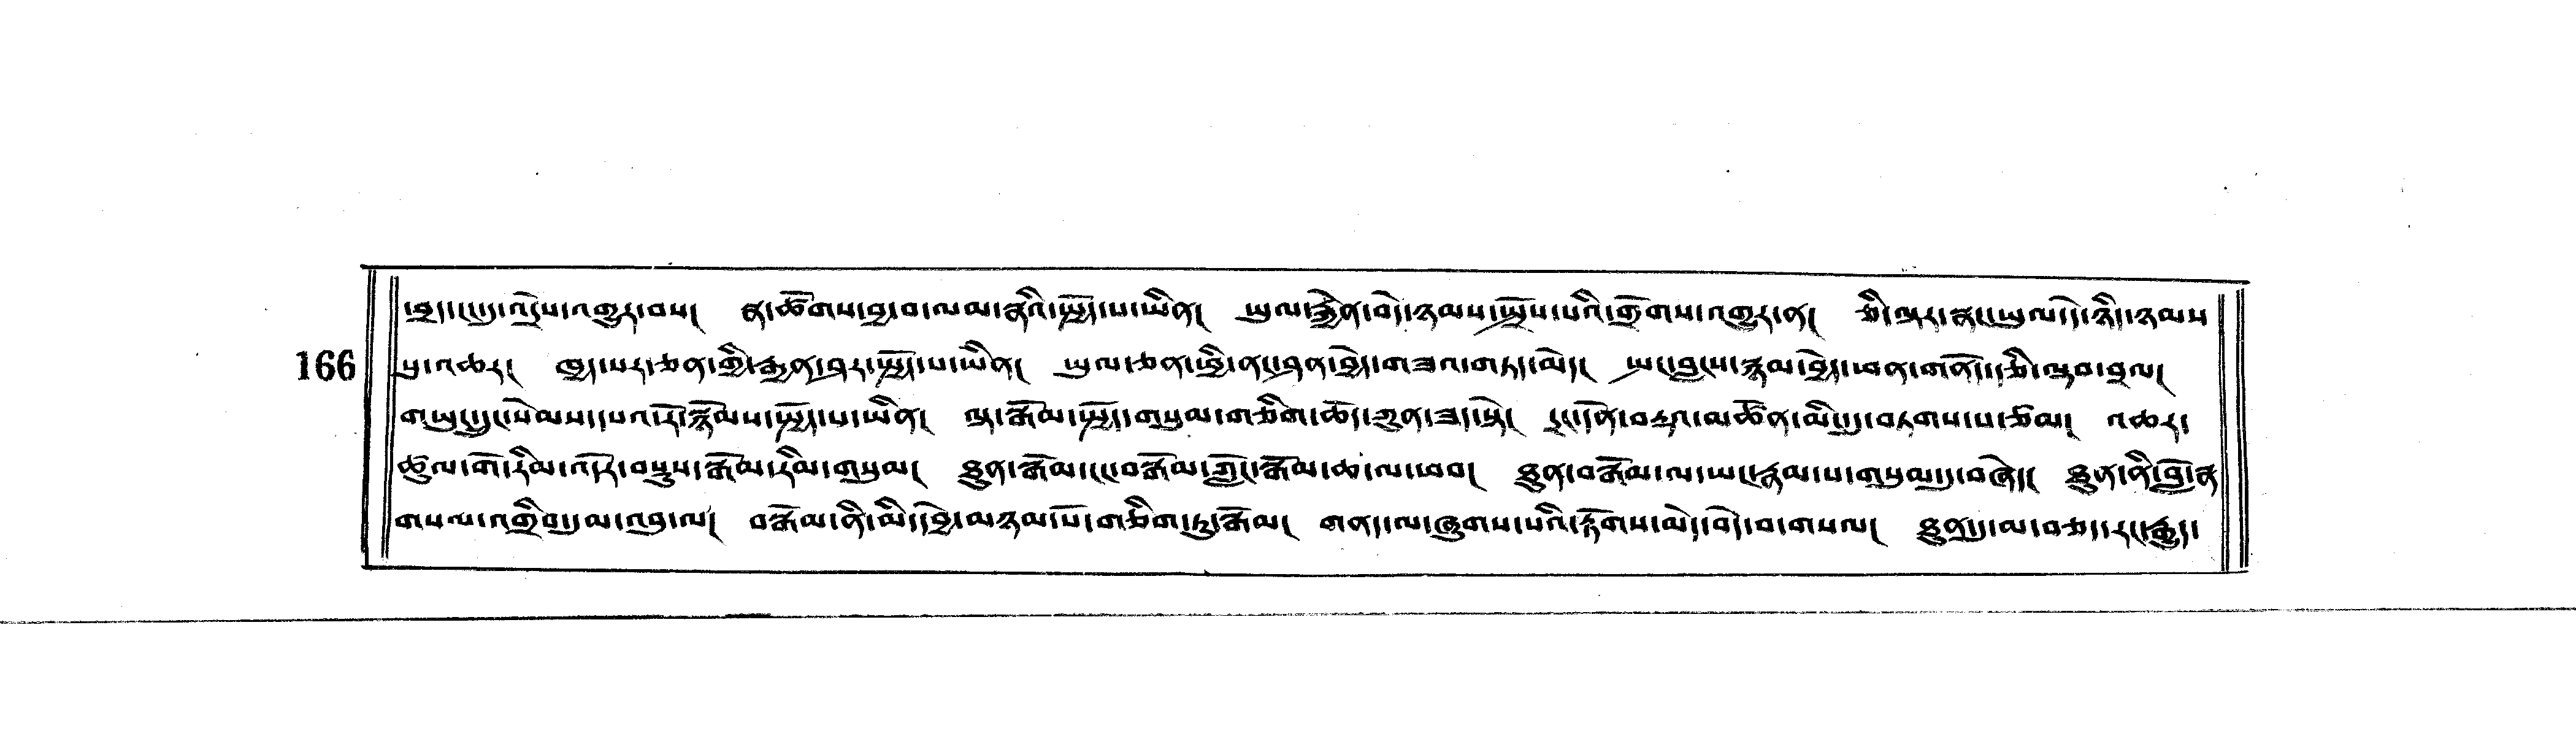འཕྲད་ངང་དུ་འདྲེས་གྱུར་པས། སྣ་ཚོགས་བྱ་བ་ལམ་སྣའི་སྤྱོད་པ་ཡིན། ཡུལ་ཅན་བདེ་ཉམས་སྤྲོས་པའི་གྲོགས་འགྱུར་ན། ཅི་ལྟར་སྣང་ཡུལ་དེ་ཉིད་ཉམས་
སུ་འཆར། ཁྱད་པར་ཅན་གྱི་རྒྱན་ཤར་སྤྱོད་པ་ཡིན། ཡུལ་ཅན་ཕྱི་ནང་ཤན་འབྱེད་གཟའ་གཏད་མེད། སྤང་བླང་སྙམ་བྱེད་ཕན་གནོད་རྩིས་ལྡབ་བྲལ། 
གཡུང་དྲུང་སེམས་དཔའ་རོ་སྙོམས་སྤྱོད་པ་ཡིན། ལྟ་སྒོམ་སྤྱོད་གསུམ་གཅིག་ཆོད་ཀུན་ཟད་སྟེ། དྲང་དོན་བརྡ་མཚོན་མིང་དུ་བཏགས་པ་ཙམ། འཆར་
ཚུལ་གོ་རིམ་མདོར་བསྡུས་སྒོམ་རིམ་གསུམ། ཐུན་སྒོམ་ངང་སྒོམ་ཀློང་སྒོམ་ཆ་ལ་ཕབ། ཐུན་སྒོམ་ལ་ཡང་རྣམ་པ་གསུམ་དུ་བཞེད། ཐུན་ནི་བློ་སྣ་
གསལ་འགྲིབ་དུམ་བུ་ལ། སྒོམ་ནི་མི་དབྱེ་མཉམ་པོ་གཅིག་ཏུ་བསྒོམ། གནད་ལ་ཞུགས་པའི་རྟོག་མེད་བདེ་བ་གསལ། ཐུན་དུ་མ་བཅད་རང་རྒྱུད་